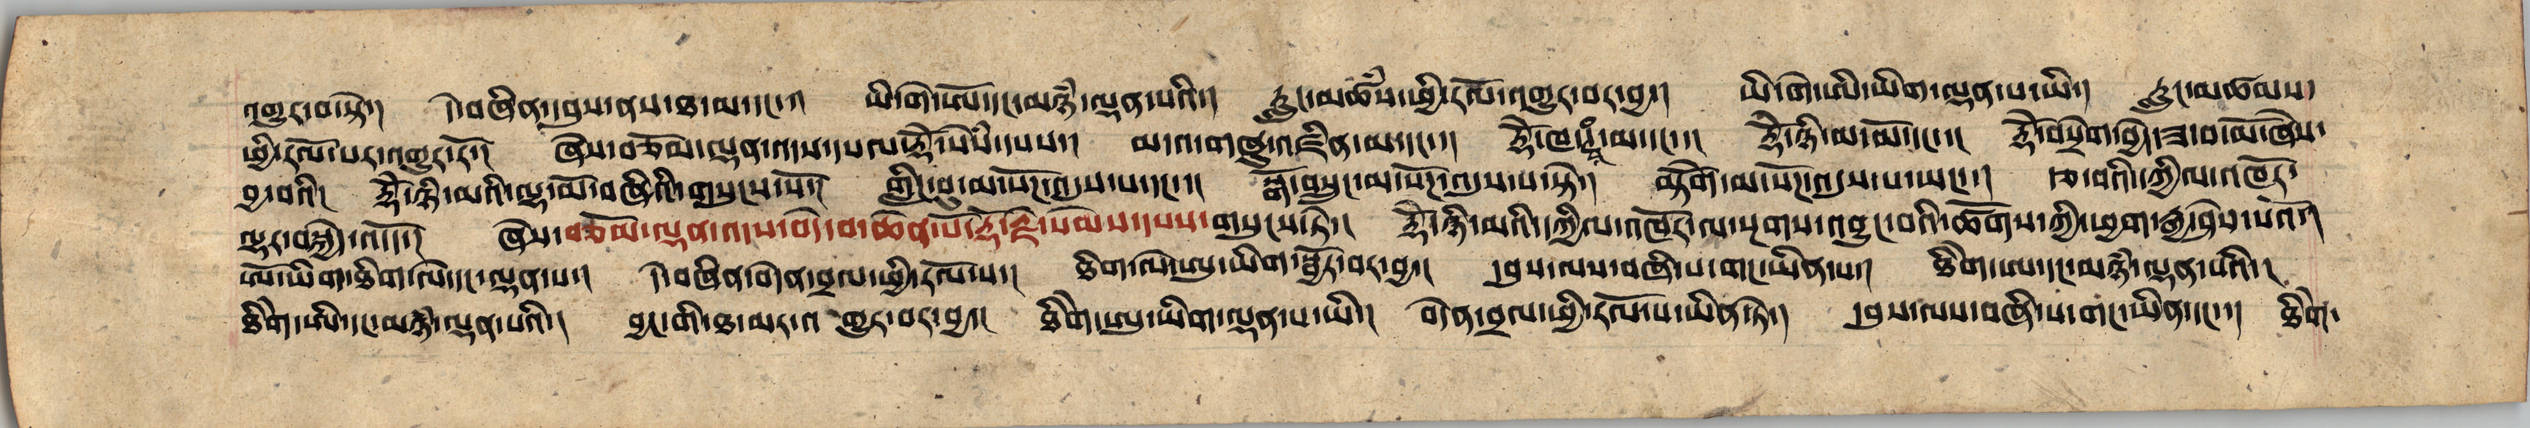འགྱུར་བ་སྟེ་། དེ་བཞིན་དབུས་ནས་ཐ་མ་དང་་། ཡི་གེ་ཨོ་དང་མཉཾ་ལྡན་པའི་། རླུང་མཚཾས་ཕྱི་རོལ་འགྱུར་བར་བྱ་། ཡི་གེ་ཨི་ཡིག་ལྡན་པ་ཡི་། རླུང་མཚམས་
ཕྱི་རོལ་པར་འགྱུར་རོ་། ཞེས་བཅོམ་ལྡན་འདས་དཔལ་རྡོེ་སེཾས་དཔས་། མདའ་གཞུ་འཛིན་མ་དང་་། རྡོེ་ཁ་ཊྭཱཾ་མ་དང་་། རྡོེ་ཉི་མ་མོ་དང་་། རྡོེ་བསྲེག་བྱེད་ཟ་བ་མོ་ཞེས་
བྱ་བའི་། རྡོེ་ཉི་མའི་ལྷ་མོ་བཞིའི་གསུངས་སོ་། གླིང་བུ་མ་སོཌ་འདུས་པ་དང་་། སྒོ་བསྲུང་མ་སོཌ་འདུས་པ་སྟེ་། མྟེོག་མ་སོཌ་འདུས་པ་ཡང་་། རྩ་བའི་དཀྱིལ་འཁོར་
ལྷར་བསྐྱེད་འདོད་། ཞེས་བཅོམ་ལྡན་འདས་བདེ་བ་ཆེན་པོ་རྡོ་རྗེ་སེམས་དཔས་གསུངས་ཏེ་། རྡོེ་ཉི་མའི་དཀྱིལ་འཁོར་ལ་སྔགས་འབྱུང་བའི་ཚོགས་ཀྱི་ཕྱག་རྒྱ་ཤེས་པའོ་།
ཨོ་ཡིག་ཐིག་ལེ་དང་ལྡན་པ་། དེ་བཞིན་བདེན་བྲལ་ཕྱི་རོལ་པ་། ཐིག་ལེ་ཨུ་ཡིག་སྦྱོར་བར་བྱ་། དབུས་ལས་བཞི་པ་གང་ཡིན་པ་། ཐིེག་ཨ་དང་མཉཾ་ལྡན་པའི་།
ཐིེག་ཨི་དང་མཉཾ་ལྡན་པའི་། བྱང་གི་ཐ་མར་འ གྱུར་བར་བྱ་། ཐིེག་ཨུ་ཡིག་ལྡན་པ་ཡི་། བདེན་བྲལ་ཕྱི་རོལ་པ་ཡིན་ཏེ་། དབུས་ལས་བཞི་པ་གང་ཡིན་དང་་། ཐིེག་